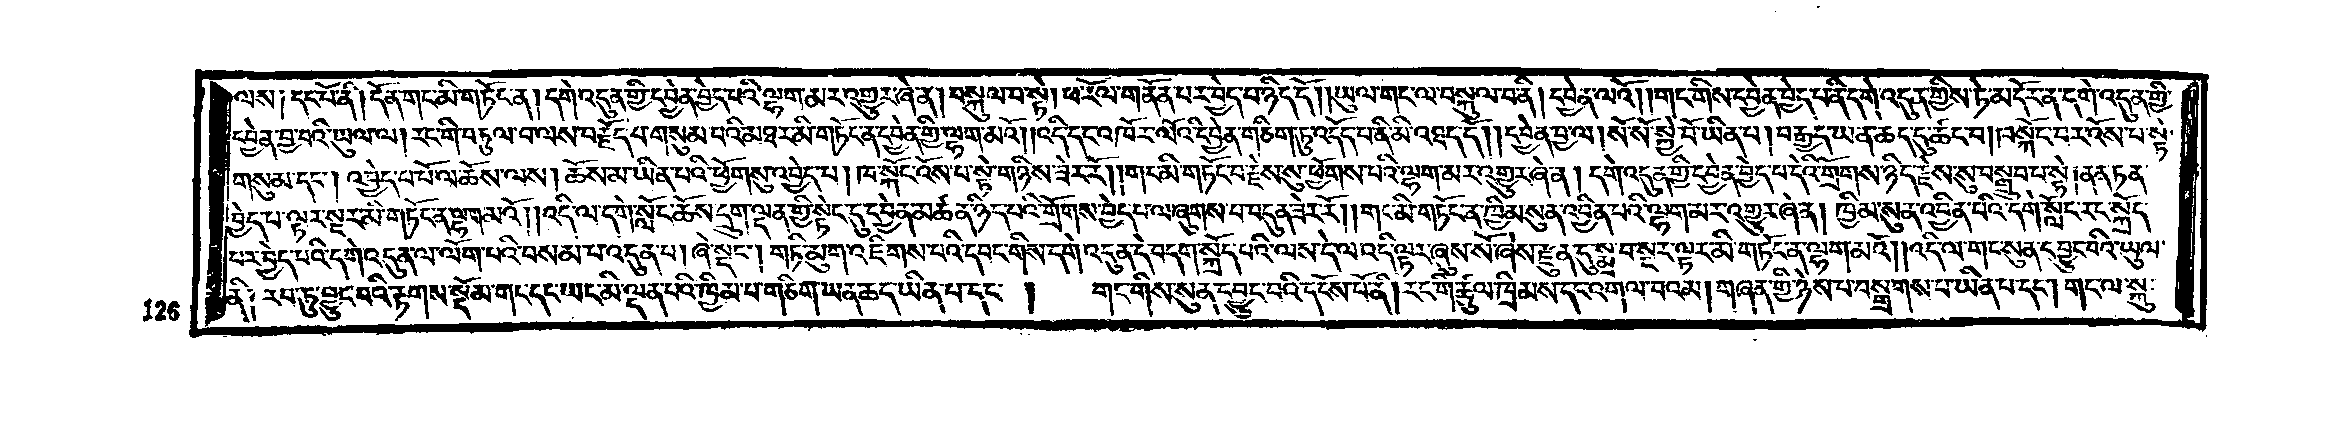ལས། དང་པོ་ནི། དོན་གང་མི་གཏོང་ན། དགེ་འདུན་གྱི་དབྱེན་བྱེད་པའི་ལྷག་མར་འགྱུར་ཞེ་ན། བསྐུལ་བ་སྟེ། ཕ་རོལ་གནོན་པར་བྱེད་པ་ཉིད་དོ། །ཡུལ་གང་ལ་བསྐུལ་བ་ནི། དབྱེན་ལའོ། །གང་གིས་དབྱེན་བྱེད་པ་ནི་དགེ་འདུན་གྱིས་ཏེ་མདོར་ན་དགེ་འདུན་གྱི་
དབྱེན་བྱ་བའི་ཡུལ་ལ། རང་གི་བཏུལ་བ་ལས་བརྗོད་པ་གསུམ་པའི་མཐར་མི་གཏོང་ན་དབྱེན་གྱི་ལྷག་མའོ། །འདི་དང་འཁོར་ལོའི་དབྱེན་གཅིག་ཏུ་འདོད་པ་ནི་མི་འཐད་དོ། །དབྱེན་བྱ་ལ། སོ་སོ་སྐྱེ་བོ་ཡིན་པ། བརྒྱད་ཡན་ཆད་དུ་ཚང་བ། །བསྐོང་བར་འོས་པ་སྟེ་
གསུམ་དང་། འབྱེད་པ་པོ་ལ་ཆོས་ལས། ཆོས་མ་ཡིན་པའི་ཕྱོགས་སུ་འབྱེད་པ། ཁ་སྐོང་འོས་པ་སྟེ་གཉིས་ཟེར་རོ། །གང་མི་གཏོང་བ་རྗེས་སུ་ཕྱོགས་པའི་ལྷག་མར་འགྱུར་ཞེ་ན། དགེ་འདུན་གྱི་དབྱེན་བྱེད་པ་དེའི་གྲོགས་ཉིད་རྗེས་སུ་བསྒྲུབ་པ་སྟེ། ནན་ཏན་
བྱེད་པ་ལྟར་སྔར་མི་གཏོང་ན་ལྷག་མའོ། །འདི་ལ་དགེ་སློང་ཆོས་དྲུག་ལྡན་པའི་སྟེང་དུ་དབྱེན་མཚན་ཉིད་པའི་གྲོགས་བྱེད་པ་ལ་ཞུགས་པ་བདུན་ཟེར་རོ། །གང་གི་གཏོང་ན་ཁྱིམ་སུན་འབྱིན་པའི་ལྷག་མར་འགྱུར་ཞེ་ན། ཁྱམ་སུན་འབྱིན་པའི་དགེ་སློང་རང་སྐྲོད་
པར་བྱད་པའི་དགེ་འདུན་ལ་ལོག་པའི་བསམ་པ་འདུན་པ། ཞ་སྡང་། གཏི་མུག་འཇིགས་པའི་དབང་གིས་དགེ་འདུན་དེ་བདག་སྐོད་པའི་ལས་དེ་ལ་འདི་ལྟར་ཞུས་སོ་ཞེས་རྫུན་དུ་སྨྲ་བ་སྔར་ལྟར་མི་གཏོང་ན་ལྷག་མའོ། །འདི་ལ་གང་སུན་དབྱུང་བའི་ཡུལ་
ནི༑ རབ་ཏུ་བྱུང་བའི་རྟགས་སྡོམ་གང་དང་ཡང་མི་ལྡན་པའི་ཁྱིམ་པ་གཅིག་ཡན་ཅཧད་ཡིན་པ་དང་། གང་གིས་ཡུན་དབྱུང་བའི་དངོས་པོ་ནི། རང་གི་ཚུལ་ཁྲིམས་དང་འགལ་བའམ། གཞན་གྱི་ཉེས་པ་བསྒྲགས་པ་ཡིན་པ་དང་། གང་ལ་སྐུར་